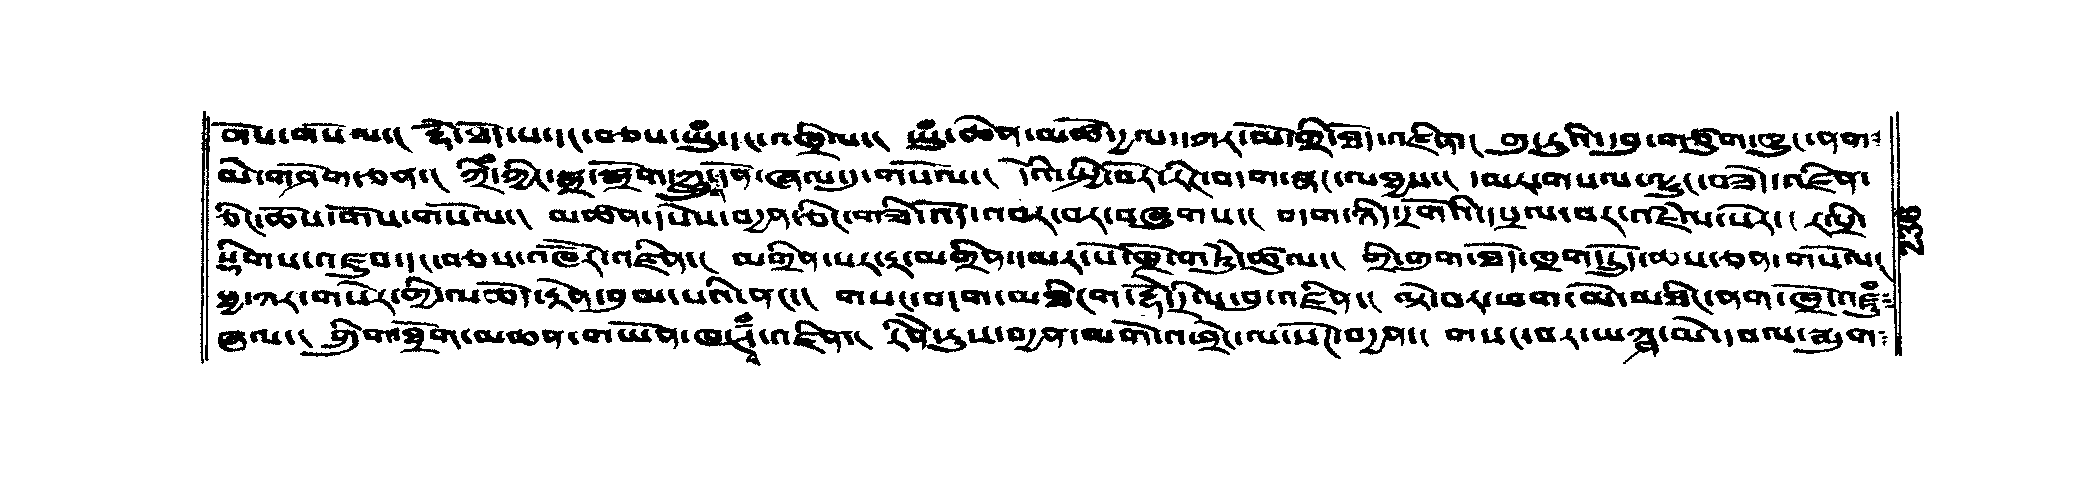གོས་གསོལ། །རྡོ་རྗེ་ཐོད་པ་དང་བཅས་ཡུམ་དང་འཁྲིལ། །ཡུམ་ཆེན་མཚོ་རྒྱལ་དཀར་མོ་གྲི་གུག་འཛིན། །གུ་རུའི་དབུ་གཙུག་་ཁྱུང་ནག་
མེ་གཤོག་ཅན། །ཀྲིཾ་ཀྱིང་སྒྲ་སྒྲོག་ཀླུ་གདོན་ཞལ་དུ་གསོལ། །དེའི་སྤྱི་བོར་རིགས་བདག་སྣང་མཐའ་ཡས། །དམར་གསལ་ལྷུང་གཟེད་འཛིན་
ཅིང་ཆོས་གོས་གསོལ། །མཚན་དཔེས་བརྒྱན་ཅིང་གཟི་འོད་འབར་བར་བཞུགས། །བདག་ཉིད་དྲག་པོའི་དཔྲལ་བར་འཇམ་དཔལ་སེར། །རལ་གྲི་
སྡིག་མཛུབ་དང་བཅས་འཁོར་ལོ་འཛིན། །མགྲིན་པར་རྟ་མགྲིན་དམར་པོ་ཁྲོ་གཏུམ་ཚུལ། །གྲི་གུག་ཐོད་ཁྲག་དུད་ཁྲོད་ཆས་ཅན་གསོལ། །
ཐུགས་ཀར་གསེར་གྱི་མཆོད་རྟེན་བུམ་པའི་ནང་། །གསང་བདག་མཐིང་ནག་རྡོ་རྗེ་དྲིལ་བུ་འཛིན། །ལྟེ་བར་ཕག་མོ་མཐིང་ནག་ཁྲོ་འཛུམ་
ཞལ། །གྲི་གུག་ཐོད་ཁྲག་མཆན་གཡོན་ཁ་ཊྭཾ་འཛིན། །རིན་ཆེན་རུས་བརྒྱན་མགོ་འཕྲེང་ལ་སོགས་བརྒྱན། །གསང་བར་ཡཀྴ་མེ་དབལ་སྨུག་